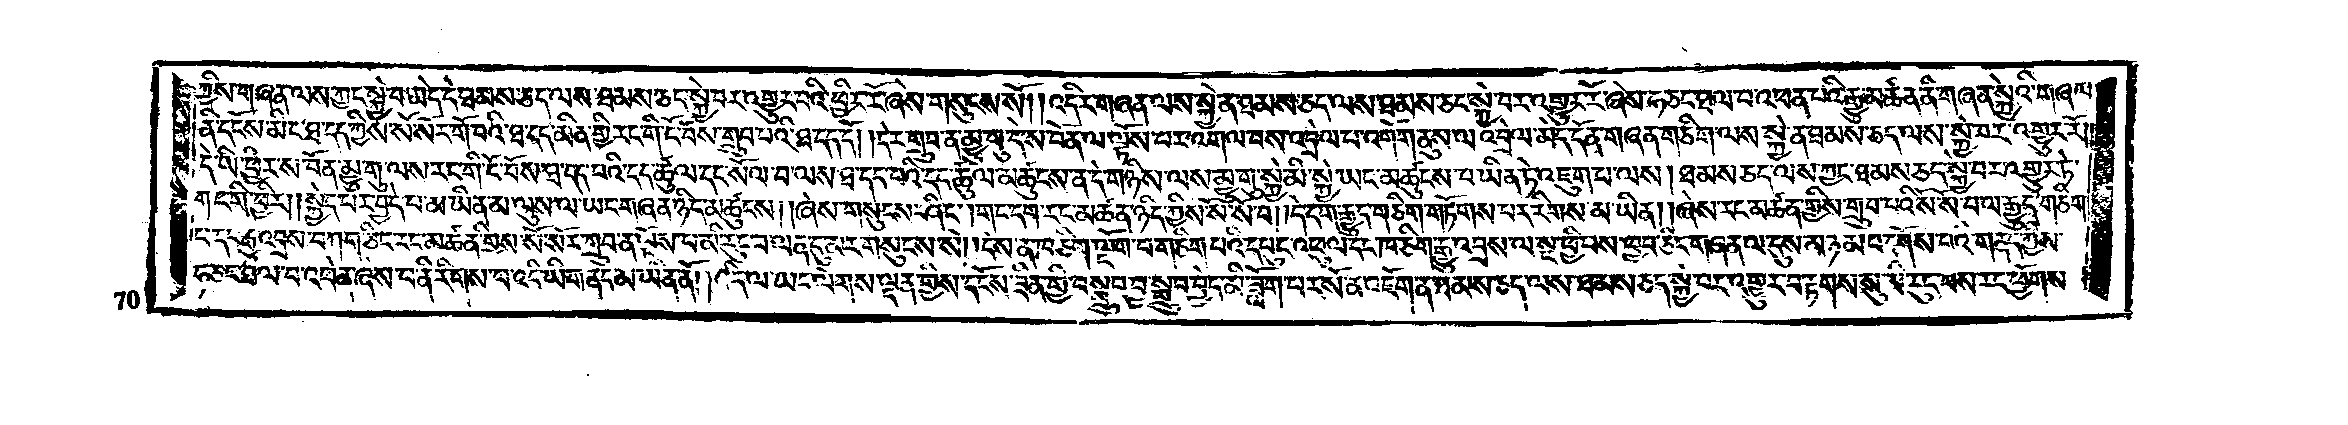ཀྱིས་གཞན་ལས་ཀྱང་སྐྱེ་བ་མེད་དེ་ཐམས་ཅད་ལས་ཐམས་ཅད་སྐྱེ་བར་འགྱུར་བའི་ཕྱིར་རོ་ཞེས་གསུངས་སོ། །འདིར་གཞན་ལས་སྐྱེ་ན་ཐམས་ཅད་ལས་ཐམས་ཅད་སྐྱེ་བར་འགྱུར་རོ་ཞེས་ཧ་ཅང་ཐལ་བ་འཕན་པའི་རྒྱུ་མཚན་ནི་གཞན་ནི་སྐྱེའི་གཞན་
ནི་དངོས་མིང་ཐ་དད་ཀྱིས་སོ་སོར་གོ་བའི་ཐ་དད་མིན་གྱི་རང་གི་ངོ་བོས་གྲུབ་པའི་ཐ་དད་དོ། །དེར་གྲུབ་ན་མྱུ་གུ་དེ་ས་བོན་ལ་ལྟོས་པར་འགལ་བས་འབྲེལ་པ་འགོག་ནུས་ལ་འབྲེལ་མེད་དོན་གཞན་གཅིག་ལས་སྐྱེ་ན་ཐམས་ཅད་ལས་སྐྱེ་བར་འགྱུར་རོ།།
དེ་ཡི་ཕྱིར་ས་བོན་མྱུ་གུ་ལས་རང་གི་ངོ་བོས་ཐ་དད་པའི་དད་ཚུལ་དང་སོལ་བ་ལས་ཐ་དད་པའི་དད་ཚུལ་མཚུངས་ན་དེ་གཉིས་ལས་མྱུ་གུ་སྐྱེ་མི་སྐྱེ་ཡང་མཚུངས་པ་ཡིན་ཏེ་འཇུག་པ་ལས། ཐམས་ཅད་ལས་ཀྱང་ཐམས་ཅད་སྐྱེ་བར་འགྱུར་ཏེ།
གང་གི་ཕྱིར། །སྐྱེད་པར་བྱེད་པ་མ་ཡིན་མ་ལུས་ལ་ཡང་གཞན་ཉིད་མཚུངས། །ཞེས་གསུངས་ཤིང་། གང་དག་རང་མཚན་ཉིད་ཀྱིས་སོ་སོ་བ། །དེ་དག་རྒྱུད་གཅིག་གཏོགས་པར་རིགས་མ་ཡིན། །ཞེས་རང་མཚན་གྱིས་གྲུབ་པའི་སོ་སོ་བ་ལ་རྒྱུད་གཅིག་
པ་དང་རྒྱུ་འབྲས་བཀག་ཅིང་རང་མཚན་གྱིས་སོ་སོར་གྲུབ་ན་ལྟོས་པ་མི་རུང་བ་ལན་དུ་མར་གསུངས་སོ། །དེས་ན་ཁ་ཅིག་ལྡོག་པ་གཅིག་པའི་དཔུང་འཕུལ་དང་ཁེ་ཅིག་རྒྱུ་འབྲས་ལ་སྔ་ཕྱི་བས་ཁྱབ་ཅིང་གཞན་ལ་དུས་མཉམ་པ་དགོས་པའི་གནད་ཀྱིས་
ཧ་ཅང་ཐལ་བ་འཕེན་ཞེས་པ་ནི་རིགས་པ་འདི་ཡི་གནད་མ་ཡིན་ནོ། །འདི་ལ་ཡང་ལེགས་ལྡན་གྱིས་དངོས་ཟིན་གྱིས་བསྒྲུབ་བྱ་སྒྲུབ་བྱེད་མི་ཟློག་པར་སོ་ན་འཇོག་ན་ཐམས་ཅད་ལས་ཐམས་ཅད་སྐྱེ་བར་འགྱུར་བ་རྟགས་སུ་མི་རུང་བས་རང་ཕྱོགས་